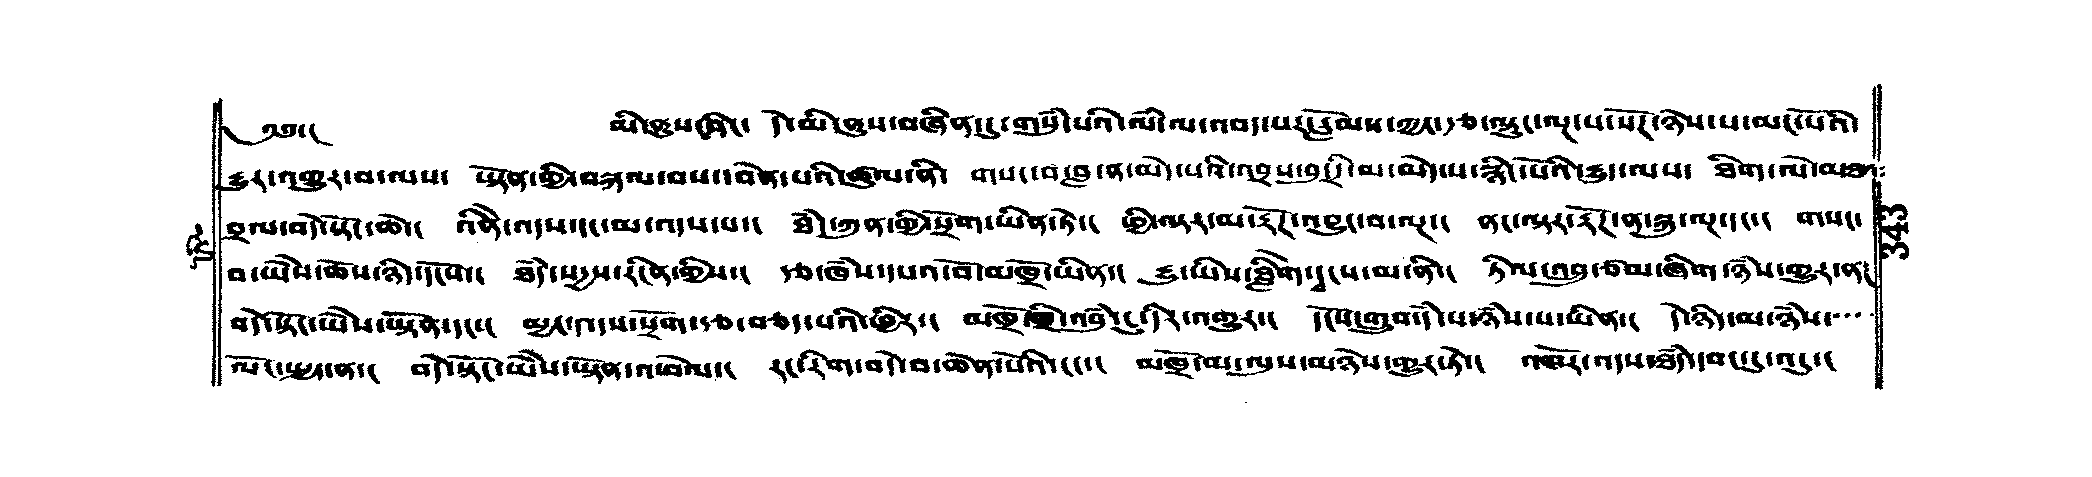མ་ནུས་ཤིང་། དེ་མི་ནུས་བཞིན་དུ་གསུམ་པའི་ལམ་ལ་འབད་པར་རློམས་ཀྱང་རྩ་ལྟུང་ལྔ་པ་སོགས་ཉེས་པ་མང་པོའི་
རྒྱུར་འགྱུར་བ་ལས། ཡོན་ཏན་གྱི་བསྐལ་བས་དབེན་པའི་ཚུལ་ནི། གསང་བ་བླ་ན་མེད་པའི་འབྲས་བུ་དྲི་མ་མེད་པ་སྙིང་པོའི་རྒྱུད་ལས། ཐིག་ལེ་མཐའ་
བྲལ་བདེ་སྟོང་ཆེ། །འཇིག་རྟེན་འདས་དང་མ་འདས་པ། །ཐམས་ཅད་ཀུན་གྱི་སྲོག་ཡིན་ཏེ། །ཕྱི་ལྟར་མ་རྟོགས་འབྱུང་བ་ལྔ། །ནང་ལྟར་རྟོགས་ན་སྐུ་ལྔ་དང་། །གསང་
བ་ཡེ་ཤེས་ཆོས་ཉིད་དངོས། །ཐམས་ཅད་སངས་རྒྱས་རང་བཞིན་གྱིས། །རྩ་ཁམས་དཔའ་བོ་མཁའ་འགྲོ་ཡིན། །རྒྱུ་ཡི་ཐིག་ལེ་དྭངས་མ་ནི། །ཏིལ་འབྲུ་ཙམ་ཞིག་ཉམས་གྱུར་ན། །
བདེ་སྟོང་ཡེ་ཤེས་ཡོན་ཏན་དང་། །མྱང་འདས་སྲོག་རྩ་བཅད་པའི་ཕྱིར། །མཁའ་འགྲོ་ཁྲི་འབུམ་ངུ་དིར་འགྱུར། །དངོས་གྲུབ་དམ་པ་ཉམས་པ་ཡིན། །དེ་ཉིད་མ་ཉམས་
ལོངས་སྤྱད་ན། །བདེ་སྟོང་ཡེ་ཤེས་ཡོན་ཏན་འཕེལ། །རང་རིག་བདེ་བ་ཆེན་པོའི་ངང་། །མཁའ་འགྲོ་མ་ལུས་མཉེས་གྱུར་ཏེ། །འཁོར་འདས་ཐམས་ཅད་དབང་དུ་འདུ།